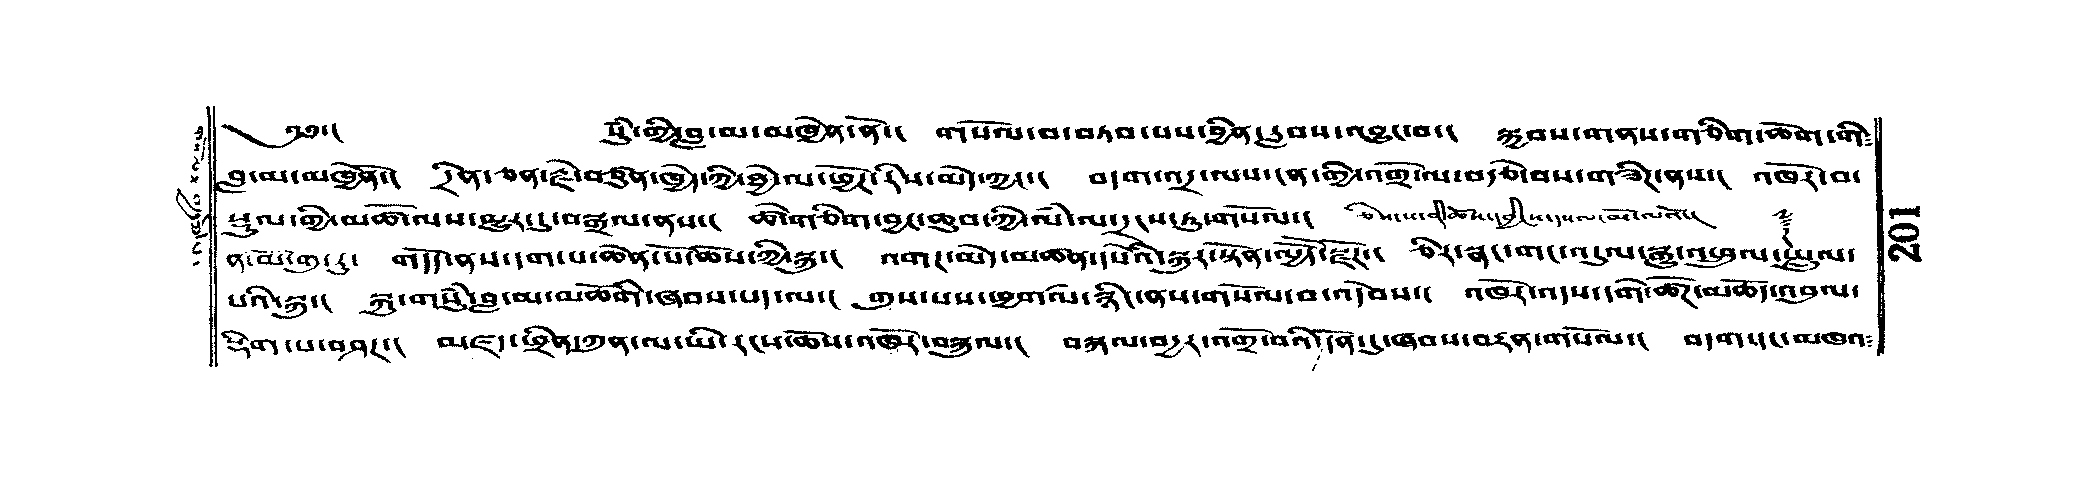སུམ་གྱི་བླ་མ་མཁྱེན་ནོ། །གསོལ་བ་བཏབ་པས་བྱིན་རླབས་འབྱུང་བ། །སྐྱབས་གནས་གཅིག་ཆོག་གི་
བླ་མ་མཁྱེན་ནོ། །དྲིན་ཅན་རྗེ་བཙུན་ཁྱེད་ཀྱི་ཐུགས་རྗེ་ལ་ཕྱོགས་རིས་མེད་ཀྱང་། །བདག་འདྲ་ལས་ངན་གྱི་འགྲོ་ལ་བརྩེ་བས་གཟིགས་ནས། །འཁོར་བ་
སྡུག་བསྔལ་གྱི་མཚོ་ལས་མྱུར་དུ་བསྒྲལ་ནས། །ཚེ་གཅིག་བྱང་ཆུབ་ཀྱི་ལམ་ལ་དྲང་དུ་གསོལ། ཅེས་པ་ནི་ཆོས་དབྱིངས་དཔལ་མོ་ལའོ།། ༈ 
ན་མོ་གུ་རུ། གདོད་ནས་དག་པ་ཆེན་པོ་ཆོས་ཀྱི་སྐུ། །འགག་མེད་མཚན་དཔེའི་སྐུར་སྟོན་ལོངས་སྤྱོད་རྫོགས། །ཅི་སྣང་གང་འདུལ་སྒྱུ་འཕྲུལ་སྤྲུལ་
པའི་སྐུ། །སྐུ་གསུམ་བླ་མ་མཆོག་གི་ཞབས་པད་ལ། །གུས་པས་ཕྱག་འཚལ་སྙིང་ནས་གསོལ་བ་འདེབས། །འཁོར་འདས་དགེ་ཚོགས་མཆོད་འབུལ་
སྡིག་པ་བཤགས། །མཛད་ཕྲིན་ཀུན་ལ་ཡི་རང་ཆོས་འཁོར་བསྐུལ། །བསྐལ་བརྒྱར་འགྲོ་བའི་དོན་དུ་ཞབས་བརྟན་གསོལ། །བདག་དང་མཁའ་